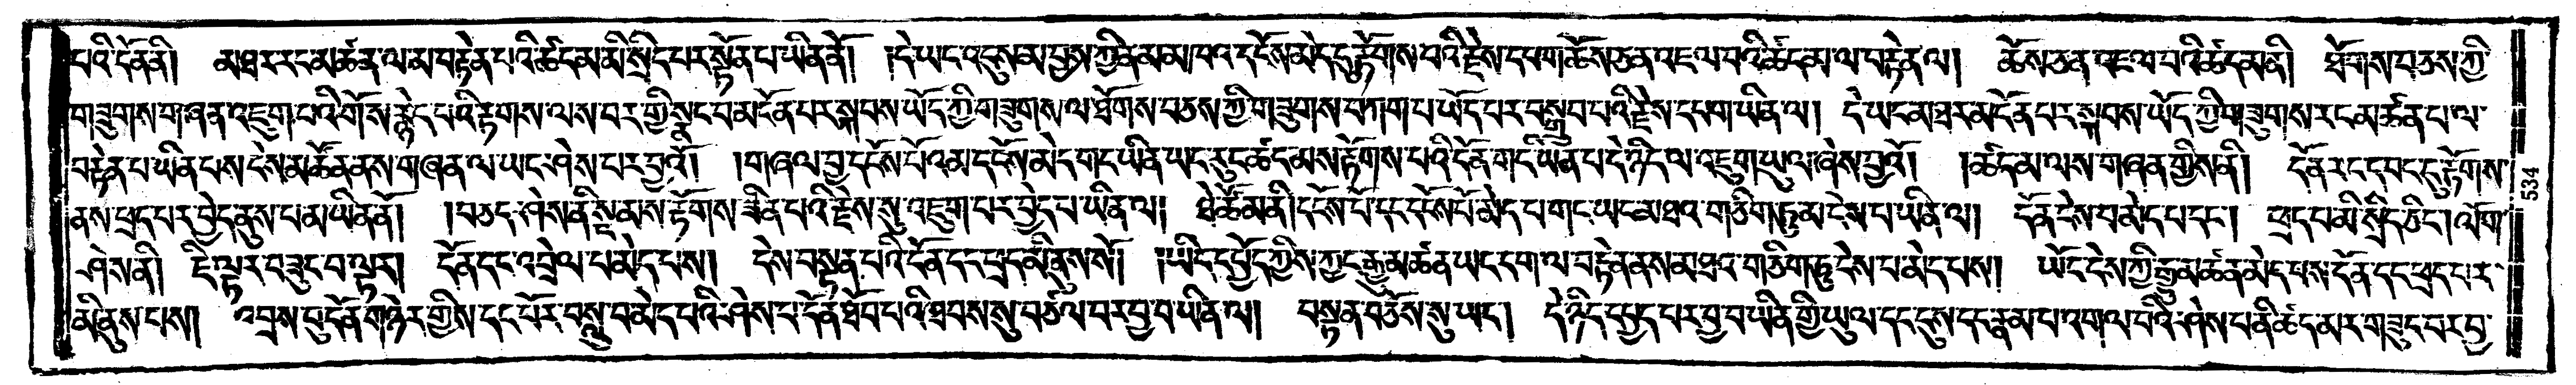པའི་དོན་ནི། མཐར་རང་མཚན་ལ་མ་བརྟེན་པའི་ཚད་མ་མི་སྲིད་པར་སྟོན་པ་ཡིན་ནོ། །དེ་ཡང་འདུས་མ་བྱས་ཀྱི་ནམ་མཁའ་དངོས་མེད་དུ་རྟོགས་པའི་རྗེས་དཔག་ཆོས་ཅན་འཇལ་བའི་ཚད་མ་ལ་བརྟེན་ལ། ཆོས་ཅན་འཇལ་བའི་ཚད་མ་ནི། ཐོགས་བཅས་ཀྱི་
གཟུགས་གཞན་འཇུག་པའི་གོས་རྙེད་པའི་རྟགས་ལས་བར་གྱི་སྣང་བ་མངོན་པར་སྐབས་ཡོད་ཀྱི་གཟུགས་ལ་ཐོགས་བཅས་ཀྱི་གཟུགས་བཀག་པ་ཡོད་པར་བསྒྲུབ་པའི་རྗེས་དཔག་ཡིན་ལ། དེ་ཡང་མཐར་མངོན་པར་སྐབས་ཡོད་ཀྱི་གཟུགས་རང་མཚན་པ་ལ་
བརྟེན་པ་ཡིན་པས་ངེས་མཚོན་ནས་གཞན་ལ་ཡང་ཤེས་པར་བྱའོ། །གཞལ་བྱ་དངོས་པོའམ་དངོས་མེད་གང་ཡིན་ཡང་རུང་ཚད་མས་རྟོགས་པའི་དོན་གང་ཡིན་པ་དེ་ཉིད་ལ་འཇུག་ཡུལ་ཞེས་བྱའོ། །ཚད་མ་ལས་གཞན་གྱིས་ནི། དོན་རང་དབང་དུ་རྟོགས་
ནས་ཕྲད་པར་བྱེད་ནུས་པ་མ་ཡིན་ནོ། །བཅད་ཤེས་ནི་སྔ་མས་རྟོགས་ཟིན་པའི་རྗེས་སུ་འཇུག་པར་བྱེད་པ་ཡིན་ལ། ཐེ་ཚོམ་ནི། དངོས་པོ་དང་དངོས་པོ་མེད་པ་གང་ཡང་མཐའ་གཅིག་ཏུ་མ་ངེས་པ་ཡིན་ལ། དོན་ངེས་པ་མེད་པ་དང་། ཕྲད་པ་མི་སྲིད་ཅིང་། ལོག་
ཤེས་ནི། ཇི་ལྟར་བཟུང་བ་ལྟར། དོན་དང་འབྲེལ་པ་མེད་པས། དེས་བསྟན་པའི་དོན་དང་ཕྲད་མི་ནུས་སོ། །ཡིད་དཔྱོད་ཀྱིས་ཀྱང་རྒྱུ་མཚན་ཡང་དག་ལ་བརྟེན་ནས་མཐའ་གཅིག་ཏུ་ངེས་པ་མེད་པས། ཡོང་ངེས་ཀྱི་རྒྱུ་མཚན་མེད་པས་དོན་དང་ཕྲད་པར་
མི་ནུས་པས། འབྲས་བུ་དོན་གཉེར་གྱིས་དང་པོར་བསླུ་བ་མེད་པའི་ཤེས་པ་དོན་ཐོབ་པའི་ཐབས་སུ་བཙལ་བར་བྱ་བ་ཡིན་ལ། བསྟན་བཅོས་སུ་ཡང་། དེ་ཉིད་དཔྱད་པར་བྱ་བ་ཡིན་གྱི་ཡུལ་དང་དུས་དང་རྣམ་པ་འགལ་བའི་ཤེས་པ་ནི་ཚད་མར་གཟུང་བར་བྱ་